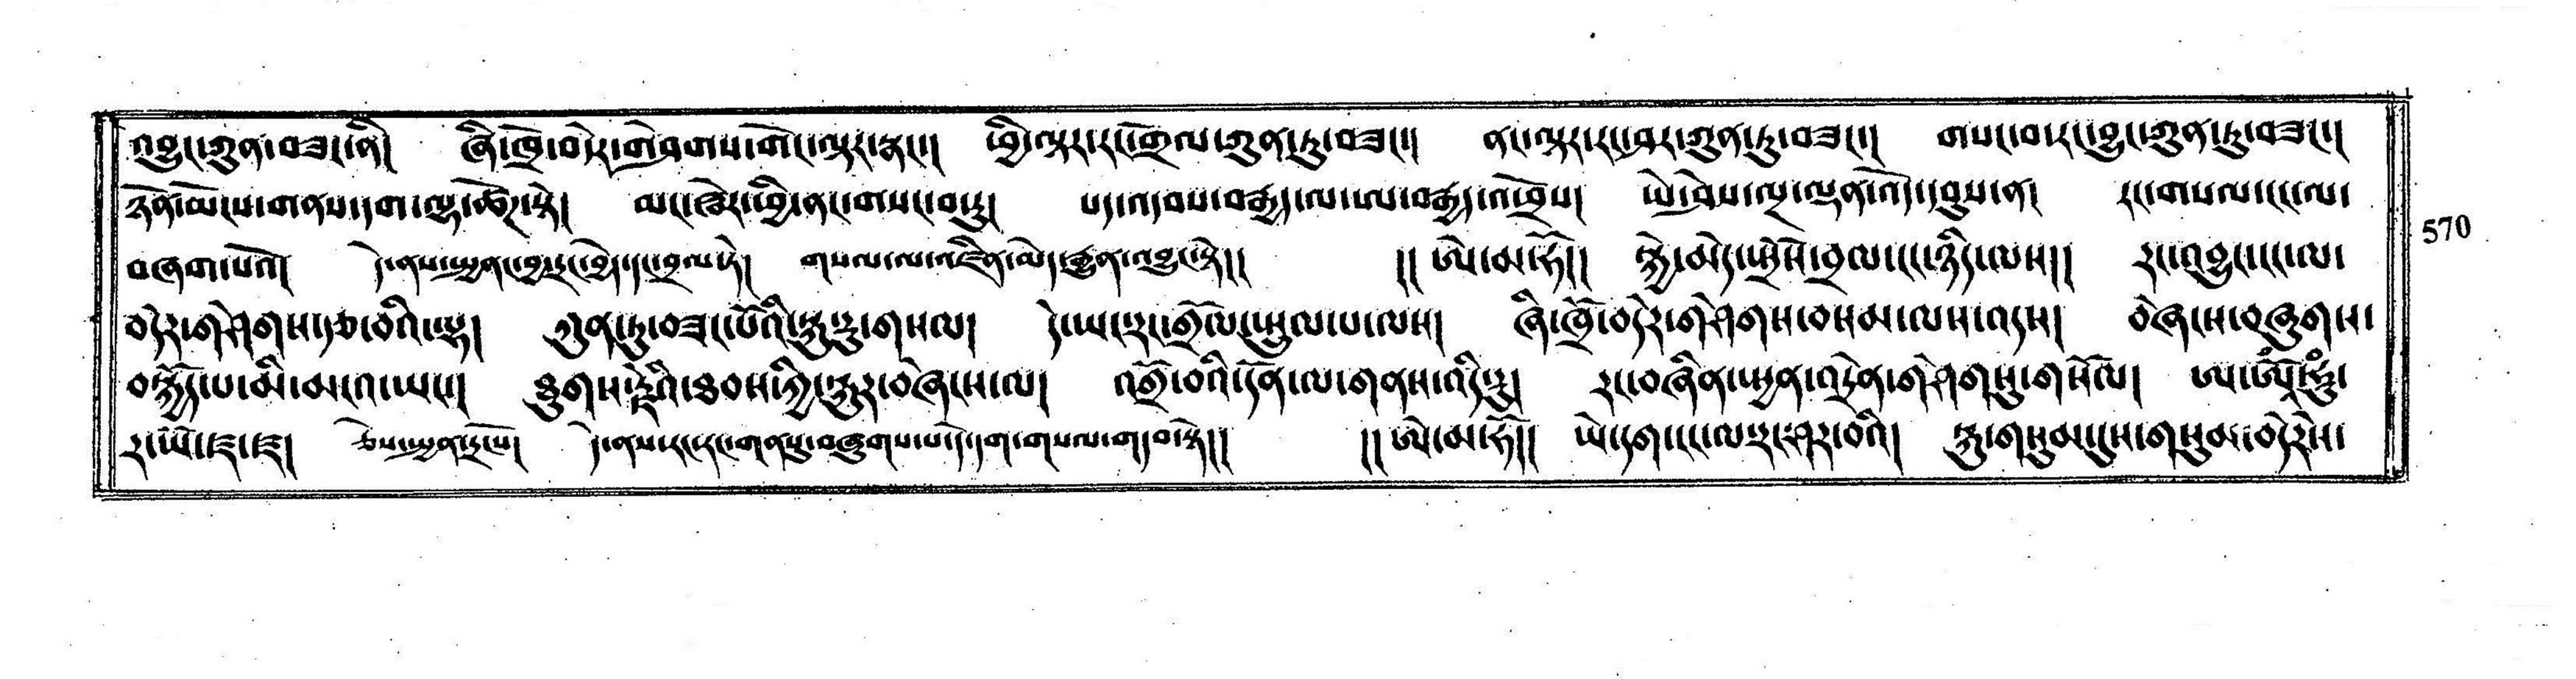འབྱུང་ཀུན་བཟང་ནི། ཞི་ཁྲོ་བདེར་གཤེགས་གོང་ལྟར་སྣང་། ཕྱི་ལྟར་རང་གྲོལ་ཀུན་ཏུ་བཟང་། ནང་ལྟར་རང་ཤར་ཀུན་ཏུ་བཟང་། གསང་བ་རང་བྱུང་ཀུན་ཏུ་བཟང་། 
ཉོན་མོངས་གནས་དག་ལྷ་ཚོགས་སྟེ། མང་ཝེར་ཕྱི་ནང་གསང་བ་རུ། པད་འདབ་བརྒྱད་ལ་ཨ་བརྒྱད་འཕྲོས། ཡེ་ཤེས་ལྔ་ལྡན་འོད་དབུས་ན། རང་གསལ་ངང་ལ་
བཞག་པའོ། དེ་ནས་སྤྱན་དྲང་བྱ་དྲང་བྱེད་དང་བྲལ་ཏེ། གསལ་ལ་འཛིན་མེད་རྒྱུན་འབྱུང་སྟེ།། །།ཨེ་མ་ཧོ།། སྐྱེ་མེད་སྤྲོས་བྲལ་ངང་ཉིད་ལས།། རང་འབྱུང་ངང་ལ་
བདེར་གཤེགས་རྩ་བའི་ལྷ། ཀུན་ཏུ་བཟང་པོའི་སྐུ་ཏུ་གསལ། དེ་ཡང་རང་གྲོལ་སྤྲུལ་པ་ལས། ཞི་ཁྲོ་བདེར་གཤེགས་བསམ་ལས་འདས། བཞེངས་བཞུགས་
བསྐྱོད་པ་མི་མངའ་ཡང་། ཐུགས་རྗེའི་ཐབས་ཀྱི་སྐུར་བཞེངས་ལ། འགྲོ་བའི་དོན་ལ་གནས་འདི་རུ། རང་བཞིན་སྤྱན་འདྲེན་གཤེགས་སུ་གསོལ། ཨ་ཨཱོཾ་ཧཱུྃ་
ར་ཡོ་ཛ་ཛ། ཅེས་སྤྱན་དྲངས་སོ། དེ་ནས་རང་རང་གནས་སུ་བཞུགས་པ་དེ་དག་གསལ་གདབ་སྟེ།། །།ཨེ་མ་ཧོ།། ཡེ་དག་ངང་ལ་རང་ཤར་བའི། སྐུ་གསུམ་དུས་གསུམ་བདེར་གཤེགས་